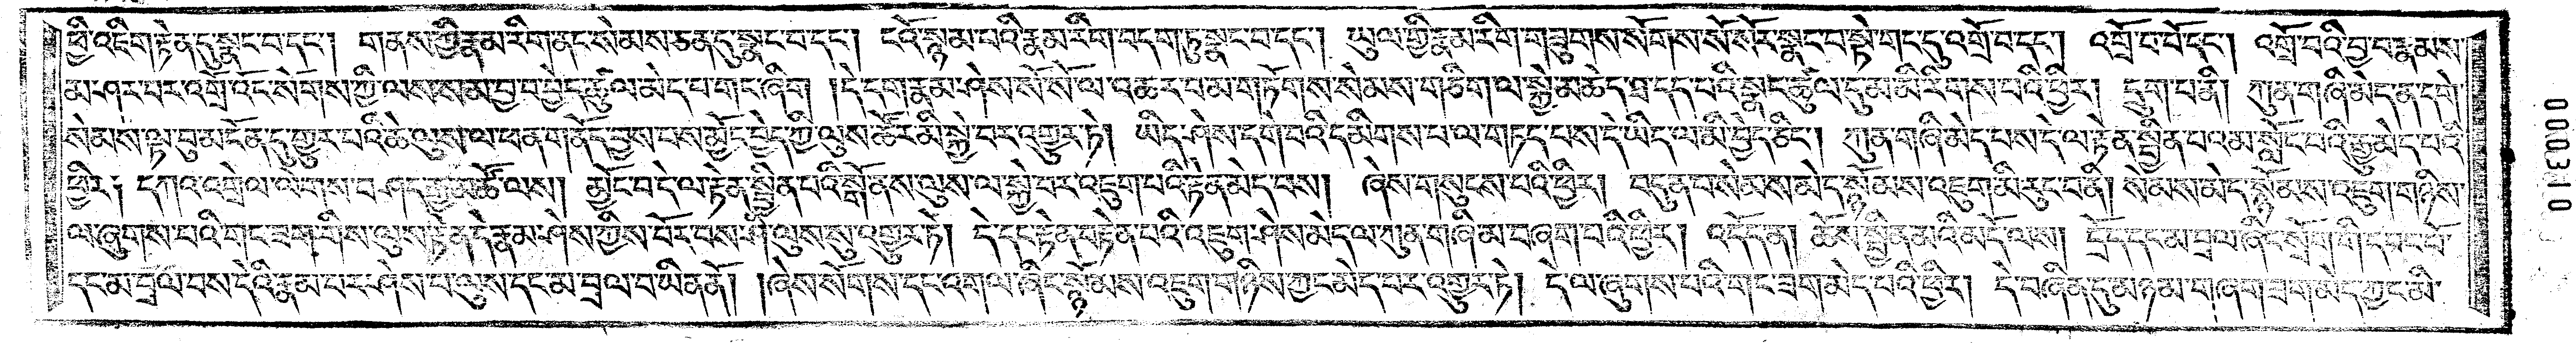ཕྱི་འཇིག་རྟེན་དུ་སྣང་བ་དང་། གནས་ཀྱི་རྣམ་རིག་ནང་སེམས་ཅན་དུ་སྣང་བ་དང་། ངའོ་སྙམ་པའི་རྣམ་རིག་བདག་ཏུ་སྣང་བ་དང་། ཡུལ་གྱི་རྣམ་རིག་གཟུགས་སོགས་སོ་སོར་སྣང་བ་སྟེ་གང་དུ་འགྲོ་བ་དང་། འགྲོ་བ་པོ་དང་། འགྲོ་བའི་བྱ་བ་རྣམས་
མ་ཤར་བར་འགྲོ་འོང་སོགས་ཀྱི་ལས་སམ་བྱ་བ་བྱེད་ཚུལ་མེད་པ་གང་ཞིག །དེ་དག་རྣམ་ཤེས་སོ་སོ་ལ་འཆར་བ་མ་གཏོགས་སེམས་གཅིག་ལ་སྐྱེ་མཆེད་ཐ་དད་པའི་སྣང་ཚུལ་དུ་མ་མི་རིགས་པའི་ཕྱིར། དྲུག་པ་ནི། ཀུན་གཞི་མེད་ན་དགེ་
སེམས་ལྟ་བུ་མངོན་དུ་གྱུར་པའི་ཚེ་ལུས་ལ་ཕན་གནོད་བྱས་པས་མྱོང་བྱེད་ཀྱི་ལུས་ཚོར་མི་སྐྱེ་བར་འགྱུར་ཏེ། ཡིད་ཤེས་དགེ་བའི་དམིགས་པ་ལ་གཏད་པས་དེ་ཡིད་ལ་མི་བྱེད་ཅིང་། ཀུན་གཞི་མེད་པས་དེ་ལ་བརྟེན་སྤྱིན་པའམ་སློང་བའི་རྒྱུ་མེད་པའི་
ཕྱིར༑ དཀའ་འགྲེལ་ལེགས་བཤད་རྒྱ་མཚོ་ལས། མྱོང་བ་དེ་ལ་རྟེན་སྦྱིན་པའི་སྒོ་ནས་ལུས་ལ་སྐྱེ་བར་འཇུག་པའི་རྟེན་མེད་པས། ཞེས་གསུངས་པའི་ཕྱིར། བདུན་པ་སེམས་མེད་སྙོམས་འཇུག་མི་རུང་བ་ནི། སེམས་མེད་སྙོམས་འཇུག་གཉིས་
ལ་ཞུགས་པའི་གང་ཟག་གིས་ལུས་རྟེན་དེ་རྣམ་ཤེས་ཀྱིས་བོར་བས་ཤི་ལུས་སུ་འགྱུར་ཏེ། དེ་དང་རྟེན་བརྟེན་པའི་འཇུག་ཤེས་མེད་ལ་ཀུན་གཞི་མ་བཞག་པའི་ཕྱིར། འདོད་ན། ཆོས་སྦྱིན་པའི་མདོ་ལས། དྲོད་དང་མ་བྲལ་ཞིང་སྲོག་གི་དབང་པོ་
དང་མ་བྲལ་བས་དེའི་རྣམ་པར་ཤེས་པ་ལུས་དང་མ་བྲལ་བ་ཡིན་ནོ། །ཞེས་སོགས་དང་འགལ་ཞིང་སྙོམས་འཇུག་གཉིས་ཀྱང་མེད་པར་འགྱུར་ཏེ། དེ་ལ་ཞུགས་པའི་གང་ཟག་མེད་པའི་ཕྱིར། དེ་བཞིན་དུ་མཉམ་གཞག་ཟག་མེད་ཀྱང་མ་